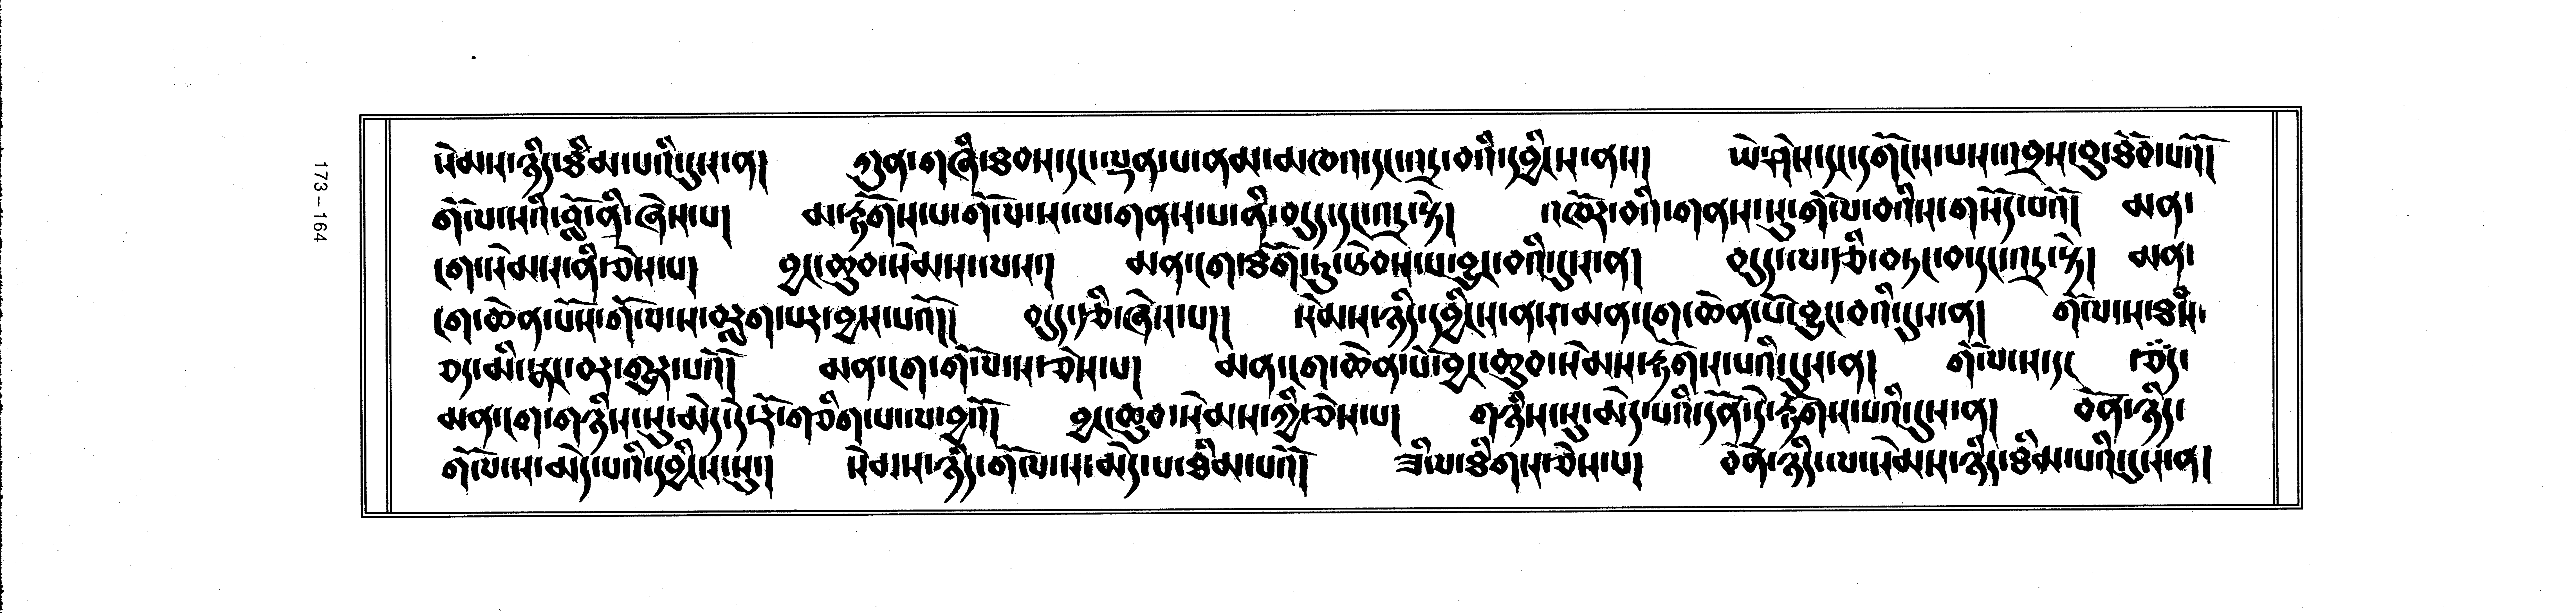སེམས་ཉིད་ཐིམ་པའི་དུས་ན། ཀུན་གཞི་ཐབས་དང་ལྡན་པ་ནམ་མཁའ་དང་འདྲ་བའི་དབྱིངས་ནས། ཡེ་ཤེས་དང་དགོངས་པ་འབྲས་བུ་ཐོབ་པའོ། །
གོལ་སའི་བློ་ནི་ཞེས་པ། མ་རྟོགས་པ་གོལ་ས་གནས་པ་ནི་བདུད་དང་འདྲ་སྟེ། འཁོར་བའི་གནས་སུ་གོལ་བའི་ས་གསོད་པའོ། །མན་
ངག་སེམས་ནི་ཅེས་པ། བྱང་ཆུབ་སེམས་ལས་མན་ངག་ཐོག་ཏུ་ཕེབས་པ་བྱུང་བའི་དུས་ན། བདུད་ལ་རྩི་བཏང་བ་དང་འདྲ་སྟེ། མན་
ངག་ཆེན་པོས་གོལ་ས་བརླག་པར་བྱས་པའོ། །བདུད་རྩི་ཞེས་པ། སེམས་ཉིད་དབྱིངས་ནས་མན་ངག་ཆེན་པོ་བྱུང་བའི་དུས་ན། གོལ་ས་ཐམས་
ཅད་མི་སྣང་བར་གྱུར་པའོ། །མན་ངག་གོལ་ས་ཅེས་པ། མན་ངག་ཆེན་པོའི་བྱང་ཆུབ་སེམས་རྟོགས་པའི་དུས་ན། གོལ་ས་དང་ རྩད་
མན་ངག་གཉིས་སུ་མེད་དེ་རོ་གཅིག་པ་ལ་བྱའོ། །བྱང་ཆུབ་སེམས་ཅེས་པ། གཉིས་སུ་མེད་པའི་དོན་དེ་རྟོགས་པའི་དུས་ན། བོན་ཉིད་
གོལ་ས་མེད་པའི་དབྱིངས་སུ། སེམས་ཉིད་གོལ་ས་མེད་པ་ཐིམ་པའོ། །ཟིལ་ཐིགས་ཅེས་པ། བོན་ཉིད་ལ་སེམས་ཉིད་ཐིམ་པའི་དུས་ན།